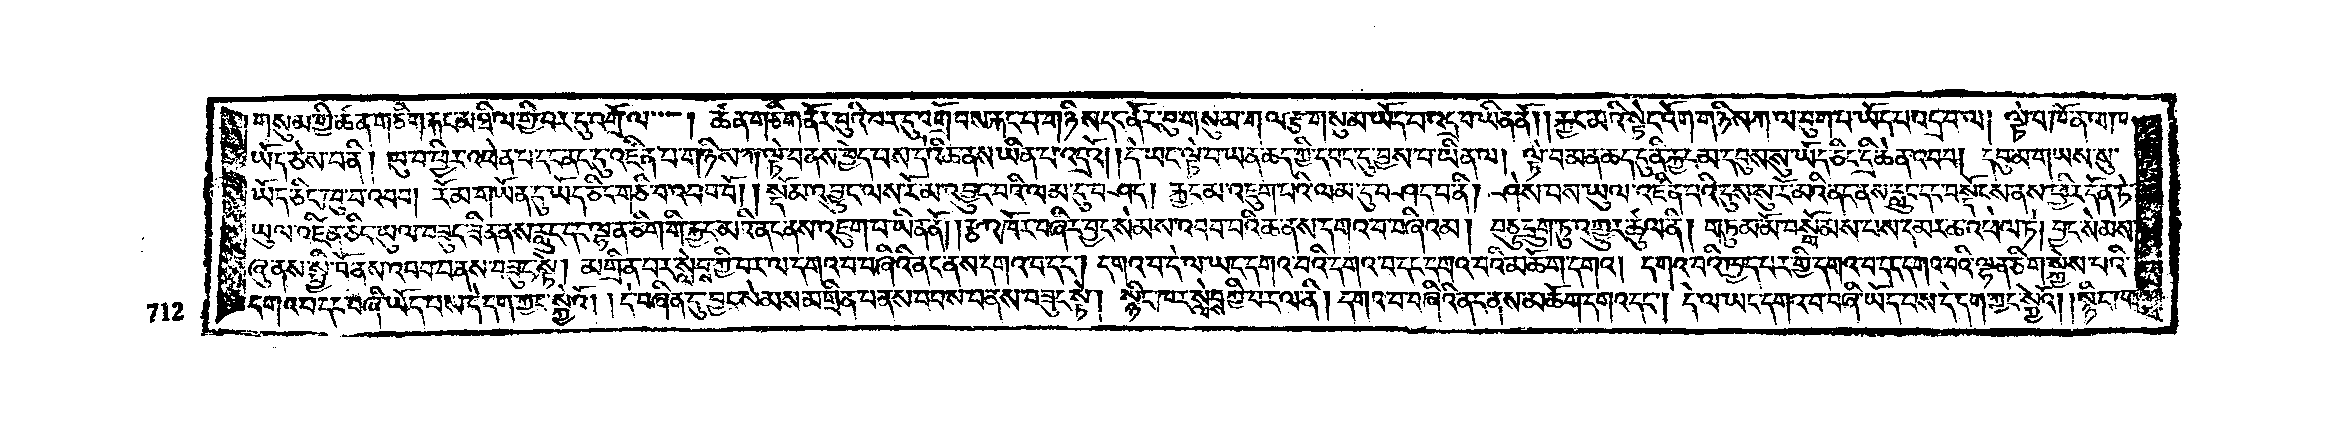གསུམ་གྱི་ཚན་གཅིག་རྐང་མཐིལ་གྱི་བར་དུ་འགྲོ་ལ། ཚན་གཅིག་ནོར་བུའི་བར་དུ་འགྲོ་བས་རྐང་པ་གཉིས་དང་ནོར་བུ་གསུམ་ག་ལ་རྩ་གསུམ་ཡོད་པ་འདྲ་བ་ཡིན་ནོ། །རྐྱང་མའི་སྟེང་འོག་གཉིས་ཀ་ལ་བུག་པ་ཡོད་པ་འདྲ་བ་ལ། ལྟེ་བ་ཁོ་ན་ལ་ཁ་
ཡོད་ཅེས་པ་ནི། ཁུ་བ་ཕྱིར་འཕེན་པ་དང་ནང་དུ་འཛིན་པ་གཉིས་ཀ་ལྟེ་བ་ནས་བྱེད་པས་དེའི་ཆ་ནས་ཡིན་པ་འདྲའོ། །དེ་ཡང་ལྟེ་བ་ཡན་ཆད་ཀྱི་དབང་དུ་བྱས་པ་ཡིན་ལ། ལྟེ་བ་མན་ཆད་དུ་ནི་རྐྱང་མ་དབུས་སུ་ཡོད་ཅིང་དྲི་ཆེན་འབབ། དབུ་མ་གཡས་སུ་
ཡོད་ཅིང་ཁུ་བ་འབབ། རོ་མ་གཡོན་དུ་ཡོད་ཅིང་གཅི་བ་འབབ་པོ། །སྡོམ་འབྱུང་ལས་རོ་མ་འབྱུང་བའི་ལམ་དུ་བཤད། རྐྱང་མ་འཇུག་པའི་ལམ་དུ་བཤད་པ་ནི། ཤེས་པས་ཡུལ་འཛིན་པའི་དུས་སུ་རོ་མའི་ནང་ནས་རླུང་དང་བསྡོངས་ནས་ཕྱིར་དོན་ཏེ་
ཡུལ་འཛིན་ཅིང་ཡུལ་བཟུང་ཟིན་ནས་རླུང་དང་ལྷན་ཅིག་གི་རྐྱང་མའི་ནང་ནས་འཇུག་པ་ཡིན་ནོ། །རྩ་འཁོར་བཞིར་བྱང་སེམས་འབབ་པའི་ཆ་ནས་དགའ་བ་བཞིའམ། བཅུ་དྲུག་ཏུ་འགྱུར་ཚུལ་ནི། གཏུམ་མོ་བསྒོམས་པས་དམར་ཆ་འཕེལ་ཏེ། བྱང་སེམས་
ཞུ་ནས་སྤྱི་བོ་ནས་འབབ་པ་ནས་བཟུང་སྟེ། མགྲིན་པར་སླེབས་ཀྱི་བར་ལ་དགའ་བ་བཞིའི་ནང་ནས་དགའ་བ་དང་། དགའ་བ་དེ་ལ་ཡང་དགའ་བའི་དགའ་བ་དང་དགའ་བའི་མཆོག་དགའ། དགའ་བའི་ཁྱད་པར་གྱི་དགའ་བ་དང་དགའ་བའི་ལྷན་ཅིག་སྐྱེས་པའི་
དགའ་བ་དང་བཞི་ཡོད་པས་དེ་དག་ཀྱང་སྐྱེའོ། །དེ་བཞིན་དུ་བྱང་སེམས་མགྲིན་པ་ནས་བབས་པ་ནས་བཟུང་སྟེ། སྙིང་ཁར་སླེབས་ཀྱི་པར་ལ་ནི། དགའ་བ་བཞིའི་ནང་ནས་མཆོག་དགའ་དང་། དེ་ལ་ཡང་དགའ་བ་བཞི་ཡོད་པས་དེ་དག་ཀྱང་སྐྱེའོ། །སྙིང་ཁ་